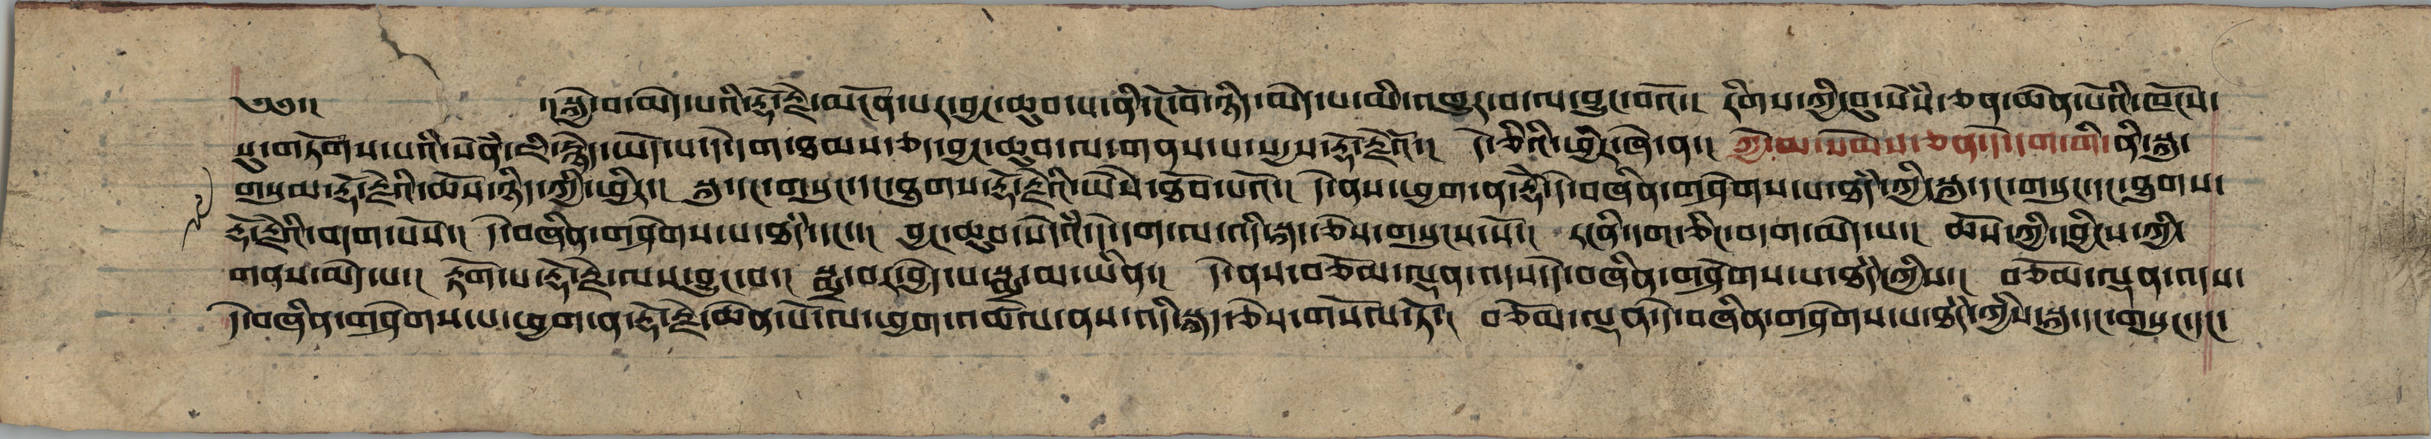༄༅་། ་། སྐྱེ་བ་མེད་པའི་རྡོ་རྗེ་མངོན་པར་བྱང་ཆུབ་པ་ནི་ངོ་བོ་ཉིད་མེད་པ་མི་འགྱུར་བ་ལ་བྱུང་བའོ་། རིགས་ཀྱི་བུ་སེསཾ་ཅན་ཆེན་པོའི་ཁོངས་
པུ་གཏོགས་པའི་སེནཾ་ཇི་རྙེད་ཡོད་པ་དེ་དག་ཐམས་ཅད་བྱང་ཆུབ་ལ་གནས་པ་སདྱས་རྡོ་རྗེའོ་། དེ་ཅིའི་ཕྱིར་ཞེ་ན་། ཀྱེ་མ་སེམས་ཅན་དེ་དག་གི་ནི་སྐུ་
གསུམ་རྡོ་རྗེའི་ཆོས་ཉིད་ཀྱི་ཕྱིར་། སྐུ་དང་གསུང་དང་ཐུགས་རྡོ་རྗེའི་ཡཻས་ཐོབ་པའོ་། དེ་ནས་ཕྱག་ན་རྡོེ་དེ་བཞིན་གཤེགས་པ་ཐཾད་ཀྱི་སྐུ་དང་གསུང་དང་ཐུགས་
རྡོ་རྗེའི་བདག་པོས་། དེ་བཞིན་གཤེགས་པ་ཐཾད་དང་་། བྱང་ཆུབ་སེདཾའ་དེ་དག་ལ་འདི་སྐད་ཅེས་གསུངས་སོ་། རངིན་དག་ཅིང་བདག་མེད་པ་། ཆོས་ཀྱི་དབྱིངས་ཀྱི་
གནས་མེད་པ་། རྟོག་པ་རྡོ་རྗེ་ལས་བྱུང་བ་། སྨྲ་བར་བྱེད་པ་སྨྲ་མ་ཡིན་། དེ་ནས་བཅོམ་ལྡན་འདས་དེ་བཞིན་གཤེགས་པ་ཐཾད་ཀྱིས་། བཅོམ་ལྡན་འདས་
དེ་བཞིན་གཤེགས་པ་ཕྱག་ན་རྡོ་རྗེ་ཆེན་པོ་ལ་ཕྱག་འཚལ་ནས་འདི་སྐད་ཅེས་གསོལ་ཏོ་། བཅོམ་ལྡན་དེ་བཞིན་གཤེགས་པ་ཐདཾ་ཀྱིས་སྐུ་དང་གསུང་དང་